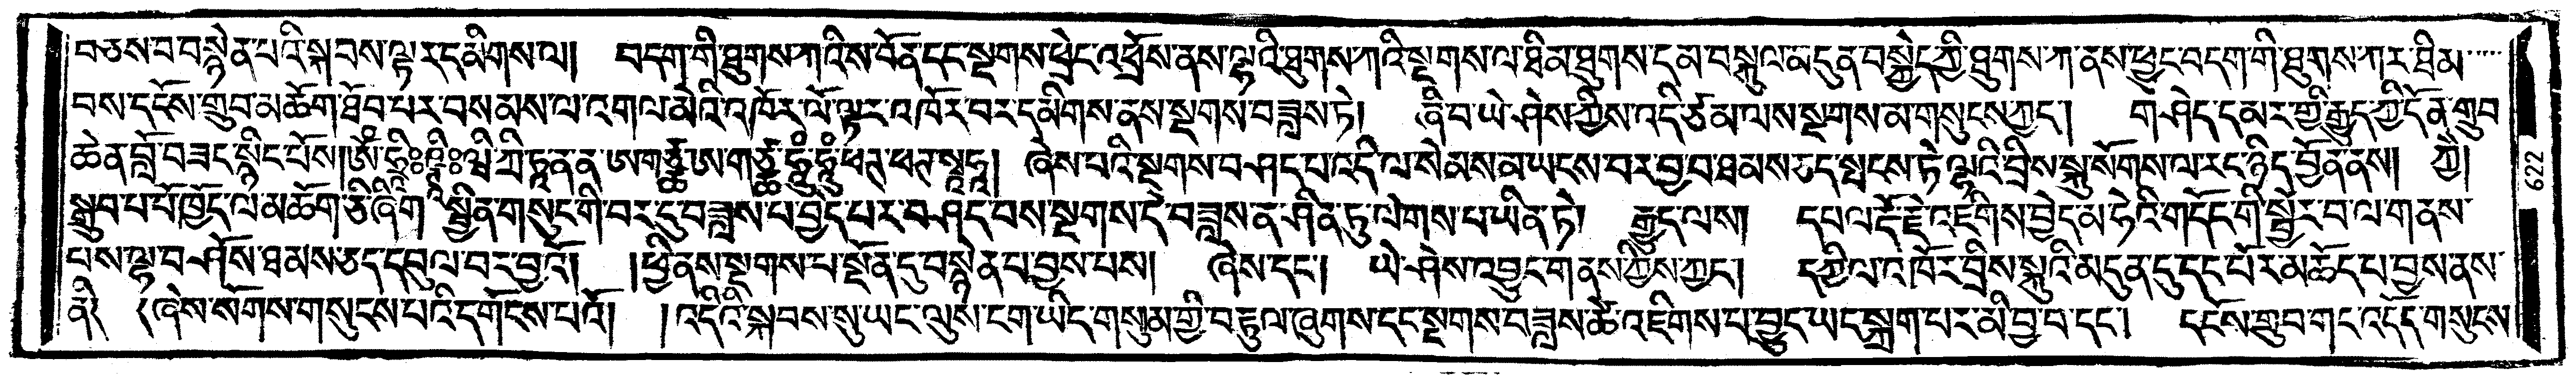བཅས་བ་བསྙེན་པའི་སྐབས་ལྟར་དམིགས་ལ། བདག་གི་ཐུགས་ཀའི་ས་བོན་དང་སྔགས་ཕྲེང་འཕྲོས་ནས་ལྷའི་ཐུགས་ཀའི་སྔགས་ལ་ཐིམ་ཐུགས་དམ་བསྐུལ་མདུན་བསྐྱེད་ཀྱི་ཐུགས་ཀ་ནས་ཕྱུང་བདག་གི་ཐུགས་ཀར་ཐིམ་
བས་དངོས་གྲུབ་མཆོག་ཐོབ་པར་བསམས་ལ་འགལ་མེའི་འཁོར་ལོ་ལྟར་འཁོར་བར་དམིགས་ནས་སྔགས་བཟླས་ཏེ། ཞི་བ་ཡེ་ཤེས་ཀྱིས་འདི་ཙམ་ལས་སྔགས་མ་གསུངས་ཀྱང་། གཤེད་དམར་གྱི་རྒྱུད་ཀྱི་དོན་གྲུབ་
ཆེན་བློ་བཟང་སྙིང་པོས། ཨོཾ་ཧྲཱིཿཥྚཱིཿཝི་ཀྲི་ཏཱ་ན་ན་ཨ་གཙྪ་ཨ་གཙྪ་ཧཱུཾ་ཧཱུཾ་ཕཊ་ཕཊ་སྭཱཧཱ། ཞེས་པའི་སྔགས་བཤད་པ་འདི་ལ་སེམས་མ་ཡངས་པར་བྱས་བ་ཐམས་ཅད་སྤངས་ཏེ་ལྷའི་བྲིས་སྐུ་སོགས་ལ་རང་ཉིད་བྱོན་ནས། ཀྱཻ།
སྒྲུབ་པ་པོ་ཁྱོད་ལ་མཆོག་ཅི་ཞིག་སྦྱིན་གསུང་གི་བར་དུ་བཟླས་པ་བྱེད་པར་བཤད་པས་སྔགས་དེ་བཟླས་ན་ཤིན་ཏུ་ལེགས་པ་ཡིན་ཏེ། རྒྱུད་ལས། དཔལ་རྡོ་རྗེ་འཇིགས་བྱེད་མ་ཧེའི་གདོང་གི་སྦྱོར་བ་ལ་གནས་
པས་ལྷ་བཤོས་ཐམས་ཅད་དབུལ་བར་བྱའོ། །ཕྱི་ནས་སྔགས་པ་སྔོན་དུ་བསྙེན་པ་བྱས་པས། ཞེས་དང་། ཡེ་ཤེས་འབྱུང་གནས་ཀྱིས་ཀྱང་། དཀྱིལ་འཁོར་བྲིས་སྐུའི་མདུན་དུ་དང་པོར་མཆོད་པ་བྱས་ནས་
ནི༑ ༑ཞེས་སོགས་གསུངས་པའི་དགོངས་པའོ། །འདིའི་སྐབས་སུ་ཡང་ལུས་ངག་ཡིད་གསུམ་གྱི་བརྟུལ་ཞུགས་དང་སྔགས་བཟླས་ཚེ་འཇིགས་པ་བྱུང་ཡང་སྐྲག་པར་མི་བྱ་བ་དང་། དངོས་གྲུབ་གང་འདོད་གསུངས་